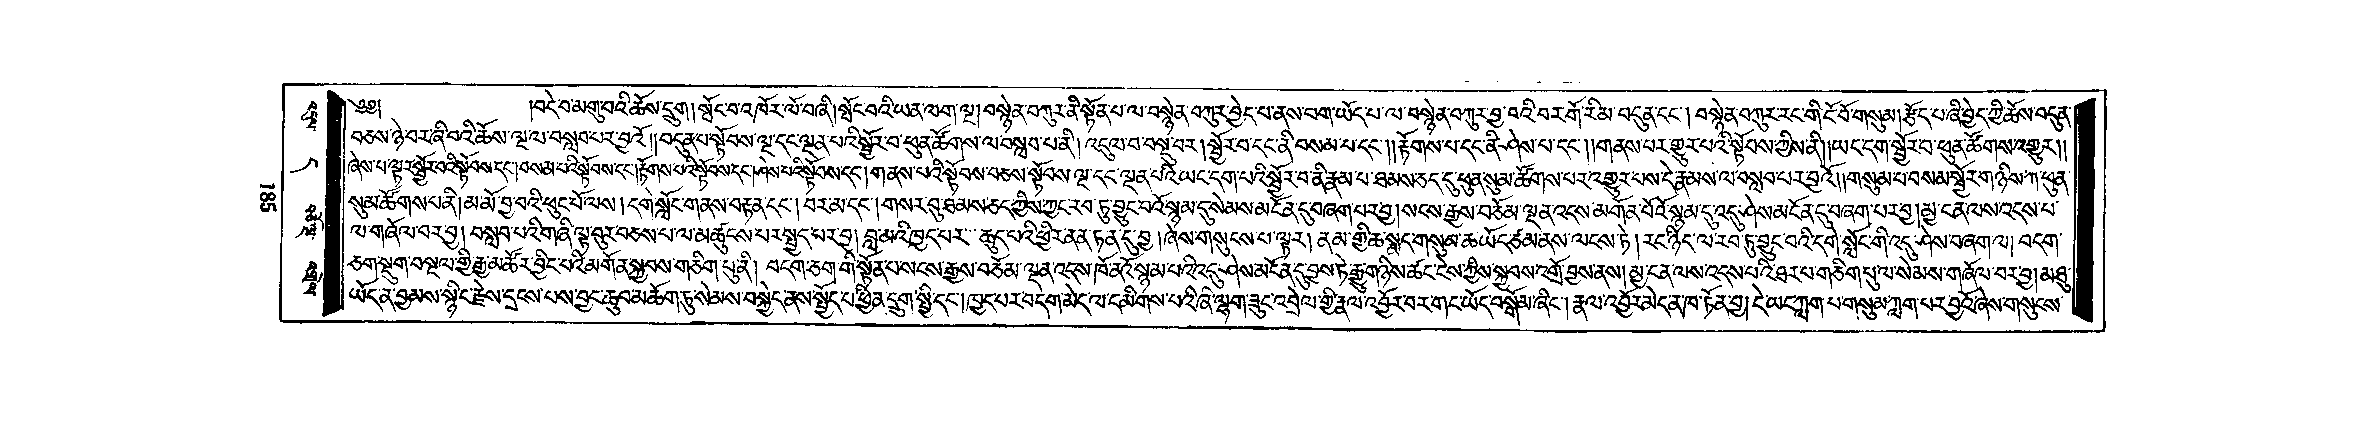༄༅། །བདེ་བ་མགུ་བའི་ཆོས་དྲུག །སྤོང་བ་འཁོར་ལོ་བཞི། སྤོང་བའི་ཡན་ལག་ལྔ། བསྙེན་བཀུར་ནི་སྟོན་པ་ལ་བསྙེན་བཀུར་བྱེད་པ་ནས་བག་ཡོད་པ་ལ་བསྙེན་བཀུར་བྱ་བའི་བར་གོ་རིམ་བདུན་དང་། བསྙེན་བཀུར་རང་གི་ངོ་བོ་གསུམ། རྩོད་པ་ཞི་བྱེད་ཀྱི་ཆོས་བདུན་
བཅས་ཉེ་བར་ཞི་བའི་ཆོས་ལྔ་ལ་བསླབ་པར་བྱའོ། །བདུན་པ་སྟོབས་ལྔ་དང་ལྡན་པའི་སྦྱོར་བ་ཕུན་ཚོགས་ལ་བསླབ་པ་ནི། འདུལ་བ་བསྡུ་བར། སྦྱོར་བ་དང་ནི་བསམ་པ་དང་། །རྟོགས་པ་དང་ནི་ཤེས་པ་དང་། །གནས་པར་གྱུར་པའི་སྟོབས་ཀྱིས་ནི། །ཡང་དག་སྦྱོར་བ་ཕུན་ཚོགས་འགྱུར། །
ཞེས་པ་ལྟར་སྦྱོར་བའི་སྟོབས་དང་། བསམ་པའི་སྟོབས་དང་། རྟོགས་པའི་སྟོབས་དང་། ཤེས་པའི་སྟོབས་དང་། གནས་པའི་སྟོབས་བཅས་སྟོབས་ལྔ་དང་ལྡན་པའི་ཡང་དག་པའི་སྦྱོར་བ་ནི་རྣམ་པ་ཐམས་ཅད་དུ་ཕུན་སུམ་ཚོགས་པར་འགྱུར་པས་དེ་རྣམས་ལ་བསླབ་པར་བྱའོ། །གསུམ་པ་བསམ་སྦྱོར་གཉིས་ཀ་ཕུན་
སུམ་ཚོགས་པ་ནི། མ་མོ་བྱ་བའི་ཕུང་པོ་ལས། དགེ་སློང་གནས་བརྟན་དང་། བར་མ་དང་། གསར་བུ་ཐམས་ཅད་ཀྱིས་ཀྱང་རབ་ཏུ་བྱུང་བའོ་སྙམ་དུ་སེམས་མངོན་དུ་བཞག་པར་བྱ། སངས་རྒྱས་བཅོམ་ལྡན་འདས་མགོན་པོའོ་སྙམ་དུ་འདུ་ཤེས་མངོན་དུ་བཞག་པར་བྱ། མྱ་ངན་ལས་འདས་པ་
ལ་གཞོལ་བར་བྱ། བསླབ་པའི་གཞི་ལྟ་བུར་བཅས་པ་ལ་མཚུངས་པར་སྤྱད་པར་བྱ། བླ་མའི་ཁྱད་པར་ཆུད་པའི་ཕྱིར་ནན་ཏན་དུ་བྱ། ཞེས་གསུངས་པ་ལྟར། ནམ་གྱི་ཆ་སྨད་གསུམ་ཆ་ཡོད་ཙམ་ནས་ལངས་ཏེ། རང་ཉིད་ལ་རབ་ཏུ་བྱུང་བའི་དགེ་སློང་གི་འདུ་ཤེས་བཞག་ལ། བདག་
ཅག་སྡུག་བསྔལ་གྱི་རྒྱ་མཚོར་བྱིང་པའི་མགོན་སྐྱབས་གཅིག་པུ་ནི། བདག་ཅག་གི་སྟོན་པ་སངས་རྒྱས་བཅོམ་ལྡན་འདས་ཁོ་ནའོ་སྙམ་པའི་འདུ་ཤེས་མངོན་དུ་བྱས་ཏེ་རྒྱུ་གཉིས་ཚང་ངེས་ཀྱིས་སྐྱབས་འགྲོ་བྱས་ནས། མྱ་ངན་ལས་འདས་པའི་ཐར་པ་གཅིག་པུ་ལ་སེམས་གཞོལ་བར་བྱ། མཐུ་
ཡོད་ན་བྱམས་སྙིང་རྗེས་དྲངས་པས་བྱང་ཆུབ་མཆོག་ཏུ་སེམས་བསྐྱེད་ནས་སྤྱོད་པ་ཕྱིན་དྲུག་སྤྱི་དང་། ཁྱད་པར་བདག་མེད་ལ་དམིགས་པའི་ཞི་ལྷག་ཟུང་འབྲེལ་གྱི་རྣལ་འབྱོར་བར་གང་ཡོད་བསྒོམ་ཞིང་། རྣལ་འབྱོར་མེད་ན་ཁ་ཏོན་བྱ། དེ་ཡང་ཀླག་པ་གསུམ་ཀླག་པར་བྱའོ་ཞེས་གསུངས་